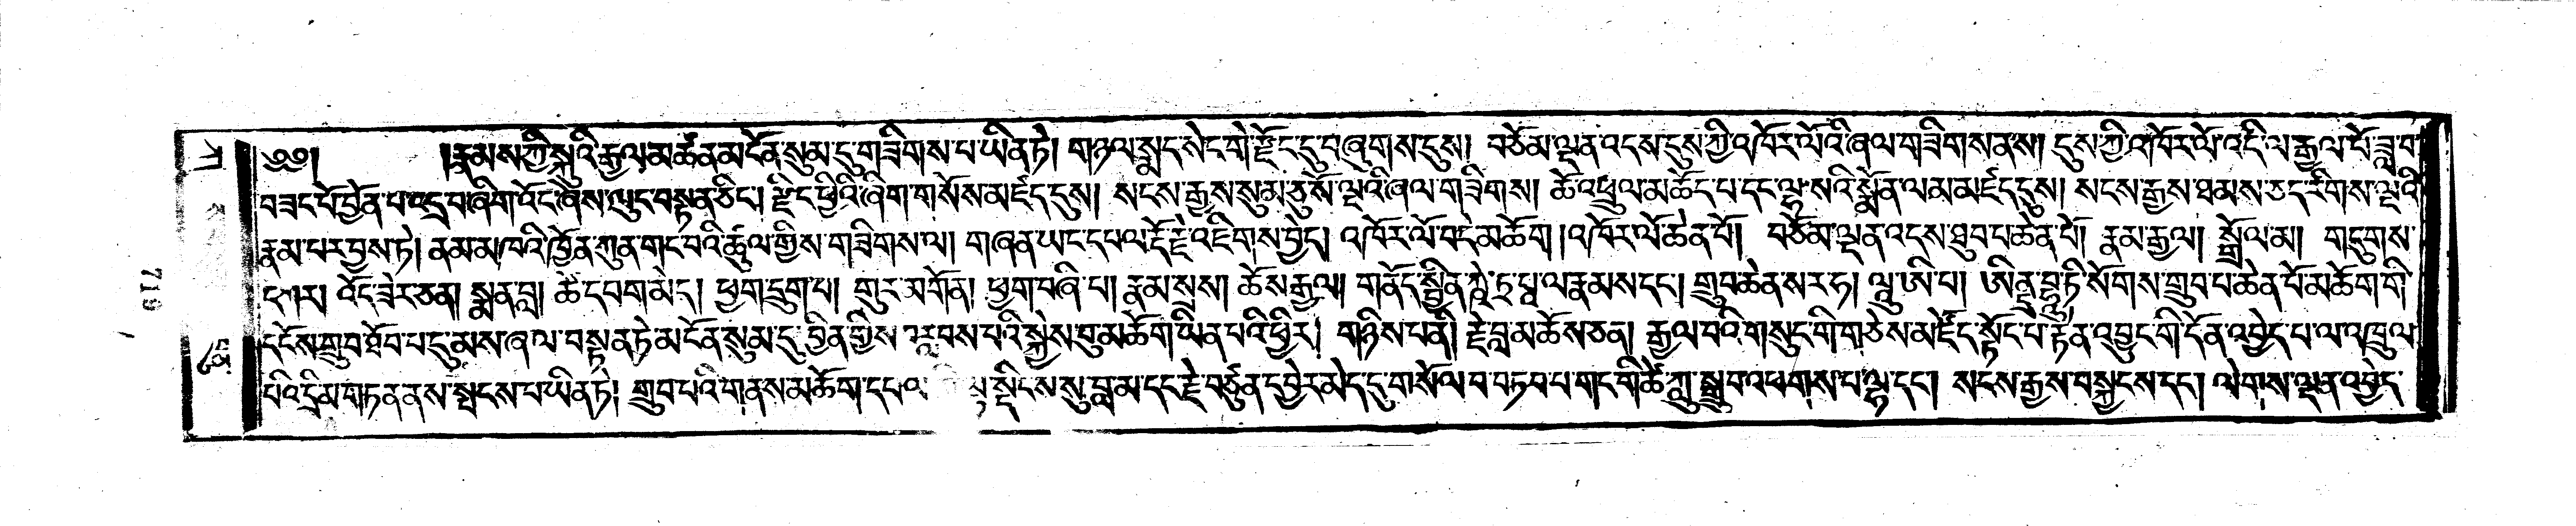༄༅། །རྣམས་ཀྱི་སྐུའི་རྒྱལ་མཚན་མངོན་སུམ་དུ་གཟིགས་པ་ཡིན་ཏེ། གཉལ་སྨད་སེང་གེ་རྫོང་དུ་བཞུགས་དུས། བཅོམ་ལྡན་འདས་དུས་ཀྱི་འཁོར་ལོའི་ཞལ་གཟིགས་ནས། དུས་ཀྱི་འཁོར་ལོ་འདི་ལ་རྒྱལ་པོ་ཟླ་བ་
བཟང་པོ་བྱོན་པ་འདྲ་བ་ཞིག་འོང་ཞེས་ལུང་བསྟན་ཅིང་། རྫིང་ཕྱིའི་ཞིག་གསོས་མཛད་དུས། སངས་རྒྱས་སུམ་ཅུ་སོ་ལྔའི་ཞལ་གཟིགས། ཆོ་འཕྲུལ་མཆོད་པ་དང་ལྷ་སའི་སྨོན་ལམ་མཛད་དུས། སངས་རྒྱས་ཐམས་ཅད་རིགས་ལྔའི་
རྣམ་པར་བྱས་ཏེ། ནམ་མཁའི་ཁྱོན་ཀུན་གང་བའི་ཚུལ་གྱིས་གཟིགས་ལ། གཞན་ཡང་དཔལ་རྡོ་རྗེ་འཇིགས་བྱེད། འཁོར་ལོ་བདེ་མཆོག །འཁོར་ལོ་ཆེན་པོ། བཅོམ་ལྡན་འདས་ཐུབ་པ་ཆེན་པོ། རྣམ་རྒྱལ། སྒྲོལ་མ། གདུགས་
དཀར། འོད་ཟེར་ཅན། སྨན་བླ། ཚེ་དཔག་མེད། ཕྱག་དྲུག་པ། གུར་མགོན། ཕྱག་བཞི་པ། རྣམ་སྲས། ཆོས་རྒྱལ། གནོད་སྦྱིན་ཀྵེཏྲ་པཱ་ལ་རྣམས་དང་། གྲུབ་ཆེན་ས་ར་ཧ། ལཱུ་ཨི་པ། ཨིནྡྲ་བྷཱུ་ཏི་སོགས་གྲུབ་པ་ཆེན་པོ་མཆོག་གི་
དངོས་གྲུབ་ཐོབ་པ་དུ་མས་ཞལ་བསྟན་ཏེ་མངོན་སུམ་དུ་བྱིན་གྱིས་བརླབས་པའི་སྐྱེས་བུ་མཆོག་ཡིན་པའི་ཕྱིར། གཉིས་པ་ནི། རྗེ་བླ་མ་ཆོས་ཅན། རྒྱལ་བའི་གསུང་གི་གཅེས་མཛོད་སྟོང་པ་རྟེན་འབྱུང་གི་དོན་འབྱེད་པ་ལ་འཁྲུལ་
པའི་དྲི་མ་གཏན་ནས་སྤངས་པ་ཡིན་ཏེ། གྲུབ་པའི་གནས་མཆོག་དཔལ་གྱི་ལྷ་སྡིངས་སུ་བླ་མ་དང་རྗེ་བཙུན་དབྱེར་མེད་དུ་གསོལ་བ་བཏབ་པ་གང་གི་ཚེ་ཀླུ་སྒྲུབ་འཕགས་པ་ལྷ་དང་། སངས་རྒྱས་བསྐྱངས་དང་། ལེགས་ལྡན་འབྱེད་